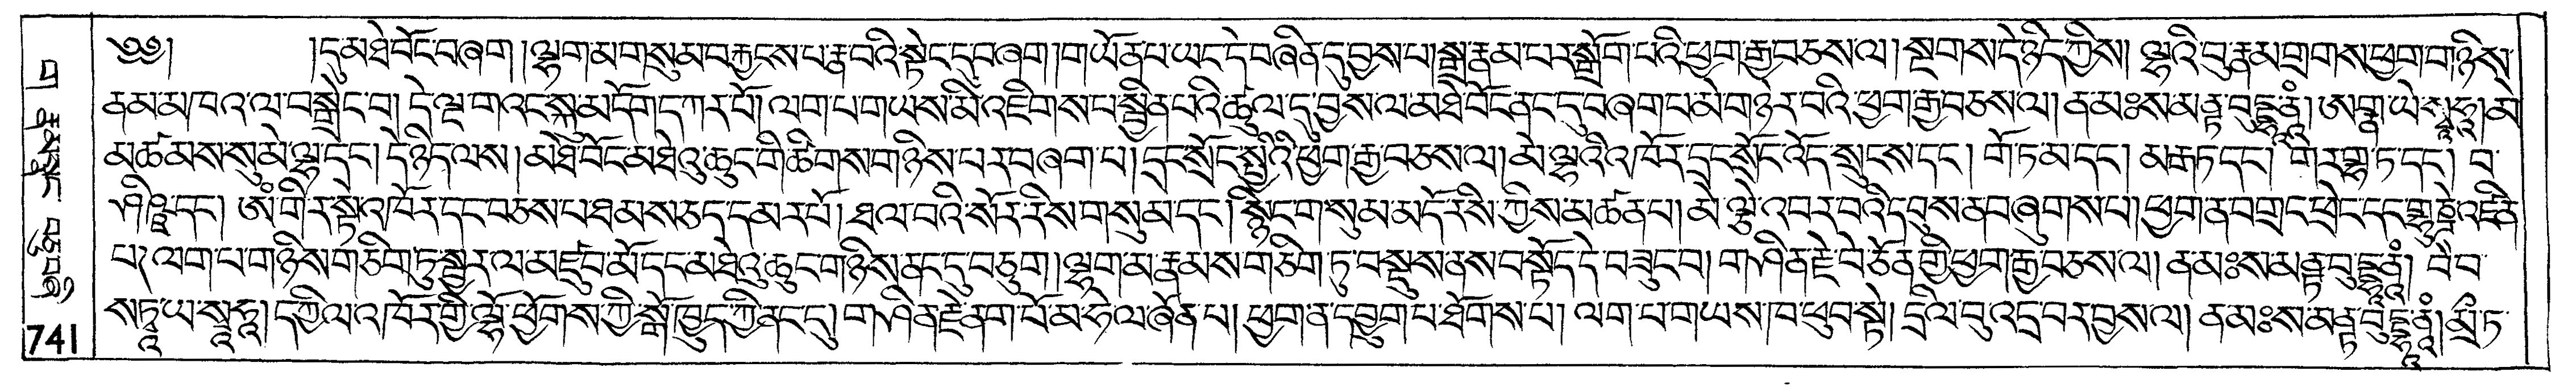༄༅། །དུ་མཐེ་བོང་བཞག །ལྷག་མ་གསུམ་བརྐྱངས་པ་རྣ་བའི་སྟེང་དུ་བཞག །གཡོན་པ་ཡང་དེ་བཞིན་དུ་བྱས་པ། སྒྲ་རྣམ་པར་སྒྲོག་པའི་ཕྱག་རྒྱ་བཅས་ལ། སྔགས་དེ་ཉིད་ཀྱིས། ལྷའི་བུ་རྣམ་གྲགས་ཕྱག་གཉིས་
ནམ་མཁའ་ལ་བསྒྲེང་བ། དེ་ལྔ་གའང་སྐུ་མདོག་དཀར་པོ། ལག་པ་གཡས་མི་འཇིགས་པ་སྦྱིན་པའི་ཚུལ་དུ་བྱས་ལ་མཐེ་བོང་ནང་དུ་བཞག་པ་མེ་གཉེར་བའི་ཕྱག་རྒྱ་བཅས་ལ། ན་མཿ ས་མནྟ་བུདྡྷཱ་ནཱཾ། ཨགན་ཡེ་སྭཱཧཱ། མེ་
མཚམས་སུ་མེ་ལྷ་དང་། དེ་ཉིད་ལས། མཐེ་བོང་མཐེའུ་ཆུང་གི་ཚིགས་གཉིས་པར་བཞག་པ། དྲང་སྲོང་སྤྱིའི་ཕྱག་རྒྱ་བཅས་ལ། མེ་ལྷའི་འཁོར་དྲང་སྲོང་འོད་སྲུངས་དང་། གོ་ཏ་མ་དང་། མརྒཏ་དང་། གར་གྷ་ཏ་དང་། བ་
ཤིཥཊཿཨ་དང་། ཨཾ་གི་ར་སྟེ་འཁོར་དང་བཅས་པ་ཐམས་ཅད་དམར་པོ། ཐལ་བའི་སོར་རིས་གསུམ་དང་། སྙིང་ག་སུམ་མདོ་རིས་ཀྱིས་མཚན་པ། མེ་ལྕེ་འབར་བའི་དབུས་ན་བཞུགས་པ། ཕྱག་ན་བགྲང་ཕྲེང་དང་གྷུཎྜེ་འཛིན་
པ༑ ལག་པ་གཉིས་གཅིག་ཏུ་སྦྱར་ལ་མཛུབ་མོ་དང་མཐེའུ་ཆུང་གཉིས་ནང་དུ་བཅུག །ལྷག་མ་རྣམས་གཅིག་ཏུ་བསྡུས་ནས་བསྟོད་དེ་བཟུང་བ། གཤིན་རྗེ་བེ་ཅོན་གྱི་ཕྱག་རྒྱ་བཅས་ལ། ན་མཿ ས་མནྟ་བུདྡྷཱ་ནཱཾ། བཻ་བ་
སཏྭཱ་ཡ་སྭཱཧཱ། དཀྱིལ་འཁོར་གྱི་ལྷོ་ཕྱོགས་ཀྱི་སྒོ་ཁྱུད་ཀྱི་ནང་དུ། གཤིན་རྗེ་ནག་པོ་མ་ཧེ་ལ་ཞོན་པ། ཕྱག་ན་དབྱུག་པ་ཐོགས་པ། ལག་པ་གཡས་ཁ་ཕུབ་སྟེ། དྲིལ་བུ་འདྲ་བར་བྱས་ལ། ན་མཿ ས་མནྟ་བུདྡྷཱ་ནཱཾ། མྲྀ་ཏ་